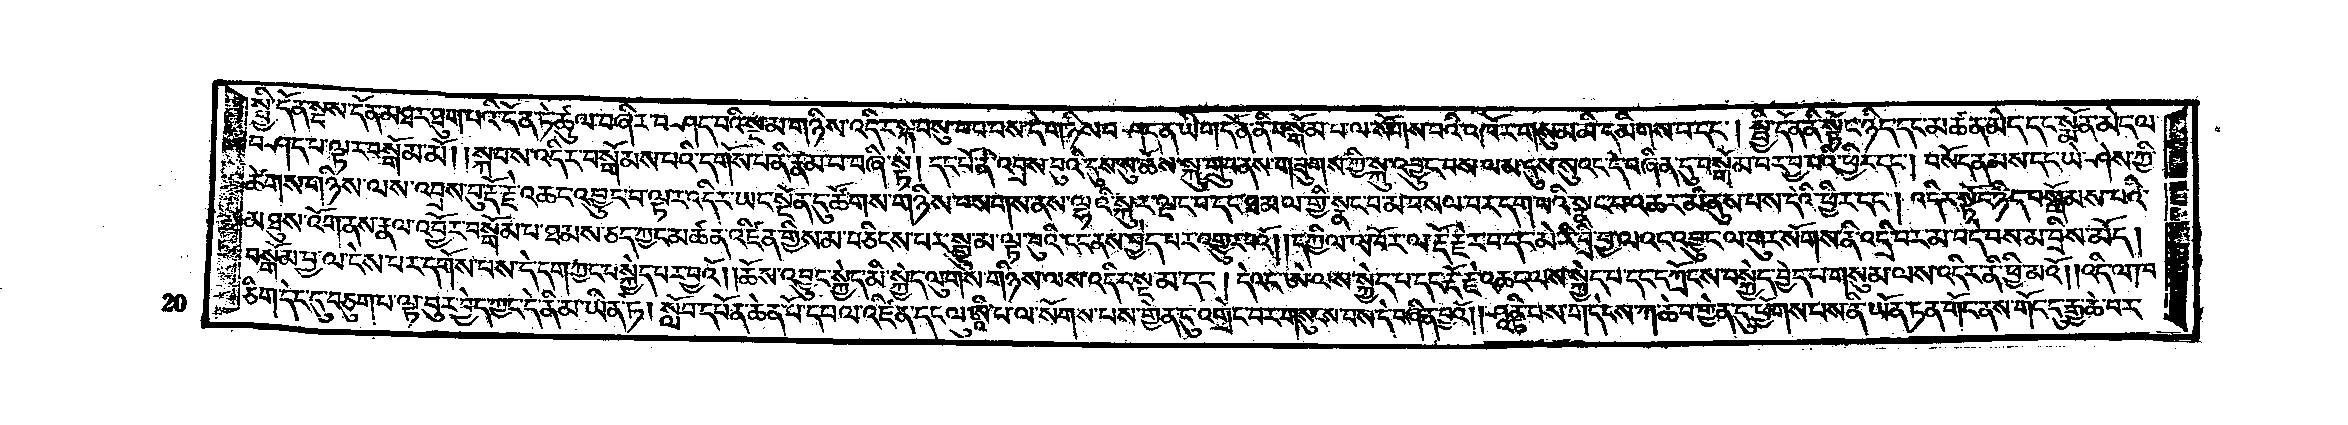སྤྱི་དོན་སྔས་དོན་མཐར་ཐུག་པའི་དོན་ཏེ་ཚུལ་བཞིར་བཤད་པའི་སྔ་མ་གཉིས་འདིར་སྐབས་སུ་བབ་པས་དེ་གཉིས་བཤད་ན་ཡིག་དོན་ནི་བསྒོམ་པ་ལ་སོགས་པའི་འཁོར་གསུམ་མི་དམིགས་པ་དང་། སྤྱི་དོན་ནི་སྟོང་ཉིད་དང་མཚན་མེད་དང་སྨོན་མེད་ལ་
བཤད་པ་ལྟར་བསྒོམ་མོ། །སྐབས་འདིར་བསྒོམས་པའི་དགོས་པ་ནི་རྣམ་པ་བཞི་སྟེ། དང་པོ་ནི་འབྲས་བུའི་དུས་སུ་ཆོས་སྐུ་གྲུབ་ནས་གཟུགས་ཀྱི་སྐུ་འབྱུང་བས་ལམ་དུས་སུའང་དེ་བཞིན་དུ་བསྒོམ་པར་བྱ་བའི་ཕྱིར་དང་། བསོད་ནམས་དང་ཡེ་ཤེས་ཀྱི་
ཚོགས་གཉིས་ལས་འབྲས་བུ་རྡོ་རྗེ་འཆང་འབྱུང་བ་ལྟར་འདིར་ཡང་སྔོན་དུ་ཚོགས་གཉིས་བསགས་ནས་ལྷའི་སྐུར་ལྡང་བ་དང་ཐ་མལ་གྱི་སྣང་བ་མ་བསལ་བར་དག་པའི་སྣང་བ་འཆར་མི་ནུས་པས་དེའི་ཕྱིར་དང་། འདིར་སྟོང་ཉིད་བསྒོམས་པའི་
མཐུས་འོག་ནས་རྣལ་འབྱོར་བསྒོམ་པ་ཐམས་ཅད་ཀྱང་མཚན་འཛིན་གྱིས་མ་བཅིངས་པར་སྒྱུ་མ་ལྟ་བུའི་ངང་ནས་བྱེད་པར་འགྱུར་བའོ། །དཀྱིལ་འཁོར་ལ་རྡོ་རྗེ་ར་བ་དང་མེ་རི་བྲི་བྱ་ལའང་འབྱུང་ལ་གུར་སོགས་ནི་འདྲི་བར་མ་བདེ་བས་མ་བྲིས་མོད།
བསྒོམ་བྱ་ལ་ངེས་པར་དགོས་པས་དེ་དག་ཀྱང་བསྐྱེད་པར་བྱའོ། །ཆོས་འབྱུང་སྐྱེད་མི་སྐྱེད་ལུགས་གཉིས་ལས་འདིར་སྔ་མ་དང་། དེའང་ཨེ་ལས་སྐྱེད་པ་དང་རྡོ་རྗེ་འཆང་ལས་སྐྱེད་པ་དང་དཀྲོངས་བསྐྱེད་བྱེད་པ་གསུམ་ལས་འདིར་ནི་ཕྱི་མའོ། །འདི་ལ་ཁ་
ཅིག་དོང་དུ་བཅུག་པ་ལྟ་བུར་བྱེད་ཀྱང་དེ་ནི་མ་ཡིན་ཏེ། སློབ་དཔོན་ཆེན་པོ་དཔལ་འཛིན་དང་ལུ་ཨཱི་པ་ལ་སོགས་པས་གྱེན་དུ་འགྲེང་བར་གསུངས་པས་དེ་བཞིན་བྱའོ། །ཤཱནྟི་པས་གདེངས་ཀ་ཆེ་བ་གྱེན་དུ་ཕྱོགས་པས་ནི་ཡོན་ཏན་གོང་ནས་གོང་དུ་རྒྱ་ཆེ་བར་